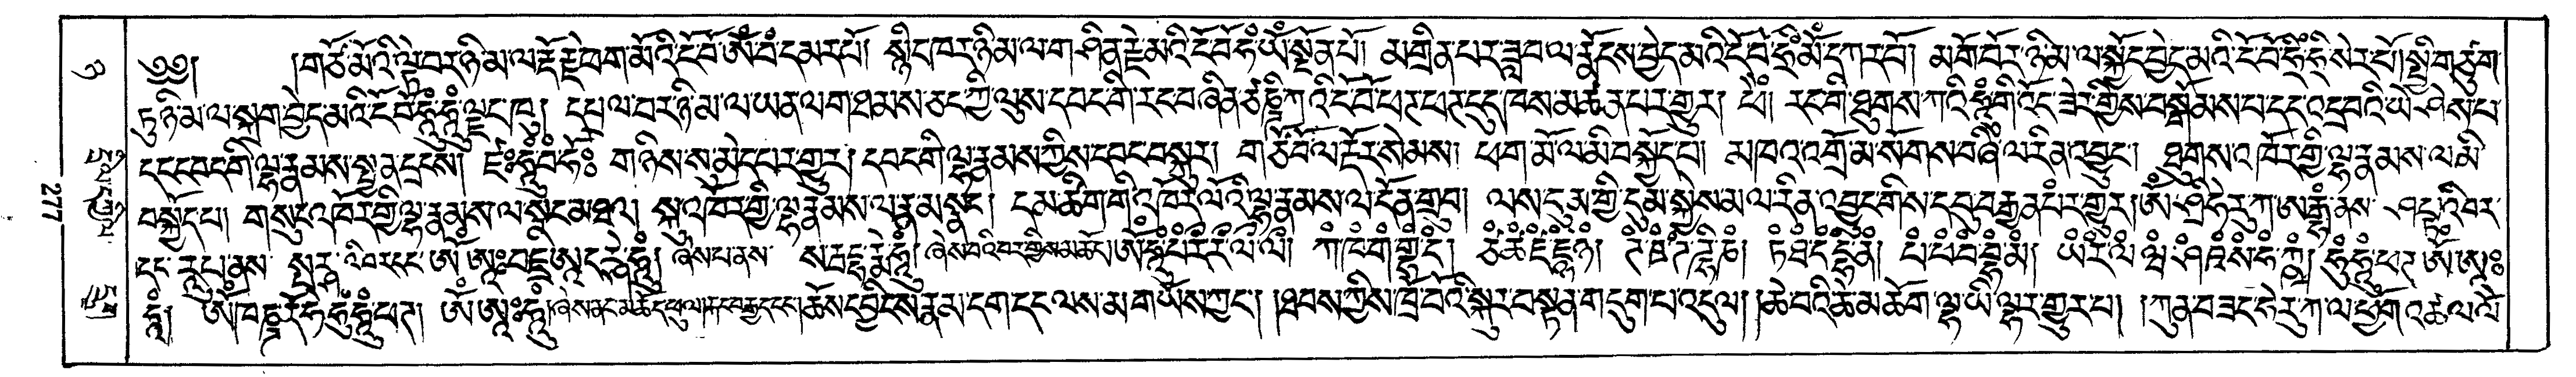༄༅། །གཙོ་མོའི་ལྟེ་བར་ཉི་མ་ལ་རྡོ་རྗེ་ཕག་མོའི་ངོ་བོ་ཨོཾ་བཾ་དམར་པོ། སྙིང་ཁར་ཉི་མ་ལ་གཤིན་རྗེ་མའི་ངོ་བོ་ཧཾ་ཨོཾ་སྔོན་པོ། མགྲིན་པར་ཟླ་བ་ལ་རྨོངས་བྱེད་མའི་ངོ་བོ་ཧྲི་མོཾ་དཀར་པོ། མགོ་བོར་ཉི་མ་ལ་སྐྱོད་བྱེད་མའི་ངོ་བོ་ཧྲེཾ་ཧྲིཾ་སེར་པོ། སྤྱི་གཙུག །
ཏུ་ཉི་མ་ལ་སྐྲག་བྱེད་མའི་ངོ་བོ་ཧཱུཾ་ཧཱུཾ་ལྗང་ཁུ། དཔྲལ་བར་ཉི་མ་ལ་ཡན་ལག་ཐམས་ཅད་ཀྱི་ལུས་དབང་གི་རང་བཞིན་ཙཎྜི་ཀའི་ངོ་བོ་ཕཊ་ཕཊ་དུད་ཁས་མཚན་པར་གྱུར། ཕཻཾ། རང་གི་ཐུགས་ཀའི་ཧཱུཾ་གི་འོད་ཟེར་གྱིས་བསྒོམས་པ་དང་འདྲ་བའི་ཡེ་ཤེས་པ་
དང་དབང་གི་ལྷ་རྣམས་སྤྱན་དྲངས། ཛཿ ཧཱུཾ་བཾ་ཧོཿ གཉིས་སུ་མེད་པར་གྱུར། དབང་གི་ལྷ་རྣམས་ཀྱིས་དབང་བསྐུར། གཙོ་བོ་ལ་རྡོར་སེམས། ཕག་མོ་ལ་མི་བསྐྱོད་པ། མཁའ་འགྲོ་མ་སོགས་བཞི་ལ་རིན་འབྱུང་། ཐུགས་འཁོར་གྱི་ལྷ་རྣམས་ལ་མི་
བསྐྱོད་པ། གསུང་འཁོར་གྱི་ལྷ་རྣམས་ལ་སྣང་མཐའ། སྐུ་འཁོར་གྱི་ལྷ་རྣམས་ལ་རྣམ་སྣང་། དམ་ཚིག་གི་འཁོར་ལོའི་ལྷ་རྣམས་ལ་དོན་གྲུབ། ལས་བུམ་གྱི་དུམ་སྐྱེས་མ་ལ་རིན་འབྱུང་གིས་དབུ་བརྒྱན་པར་གྱུར་།ཨོཾ་ཤྲཱི་ཧེ་རུ་ཀ་ཨརྒྷཾ་ནས་ཤཔྟའི་བར་
དང༑ རཱུ་པ་ནས་སྤར་ཤ་བའི་བར་དང་ཨོཾ་ཨཱཿ བཛྲ་ཨཱ་དར་ཤེ་ཧཱུཾ། ཞེས་པ་ནས་སརྦ་དྷརྨེ་ཧཱུཾ། ཞེས་པའི་བ་རྒྱིས་མཆོད། ཨོཾ་ཧཱུཾ་བཾ་རྀཾ་རིཾ་ལིཾ་ལིཾ། ཀཾ་ཁཾ་གཾ་གྷཾ་ངཾ། ཙཾ་ཚཾ་ཛཾ་ཉཾ། ཊཾ་ཊཿཨཾ་ཌཾ་ཌྷཾ་ཎཾ། ཏཾ་ཐཾ་དཾ་དྷཾ་ནཾ། པཾ་ཕཾ་བཾ་བྷཾ་མཾ། ཡཾ་རཾ་ལཾ་ཝཾ་ཤཾ་ཥཾ་སཾ་ཧཾ་ཀྵཾ། ཧུཾ་ཧཱུཾ་ཕཊ་ཨོཾ་ཨཱཿ
ཧཱུཾ། ཨོཾ་ཁཎྜ་རོ་ཧི་ཧུཾ་ཧཱུཾ་ཕཊ། ཨོཾ་ཨཱཿ ཧཱུཾ། ཞེས་ནང་མཆོད་ཕུལ། རྐང་བརྒྱད་དང་། ཆོས་དབྱིངས་རྣམ་དག་དང་ལས་མ་གཡོས་ཀྱང་། །ཐབས་ཀྱིས་ཁྲོ་བོའི་སྐུར་བསྟན་གདུག་པ་འདུལ། །ཆེ་བའི་ཆེ་མཆོག་ལྷ་ཡི་ལྷར་གྱུར་པ། །ཀུན་བཟང་ཧེ་རུ་ཀེ་ལ་ཕྱག་འཚལ་ལོ། །